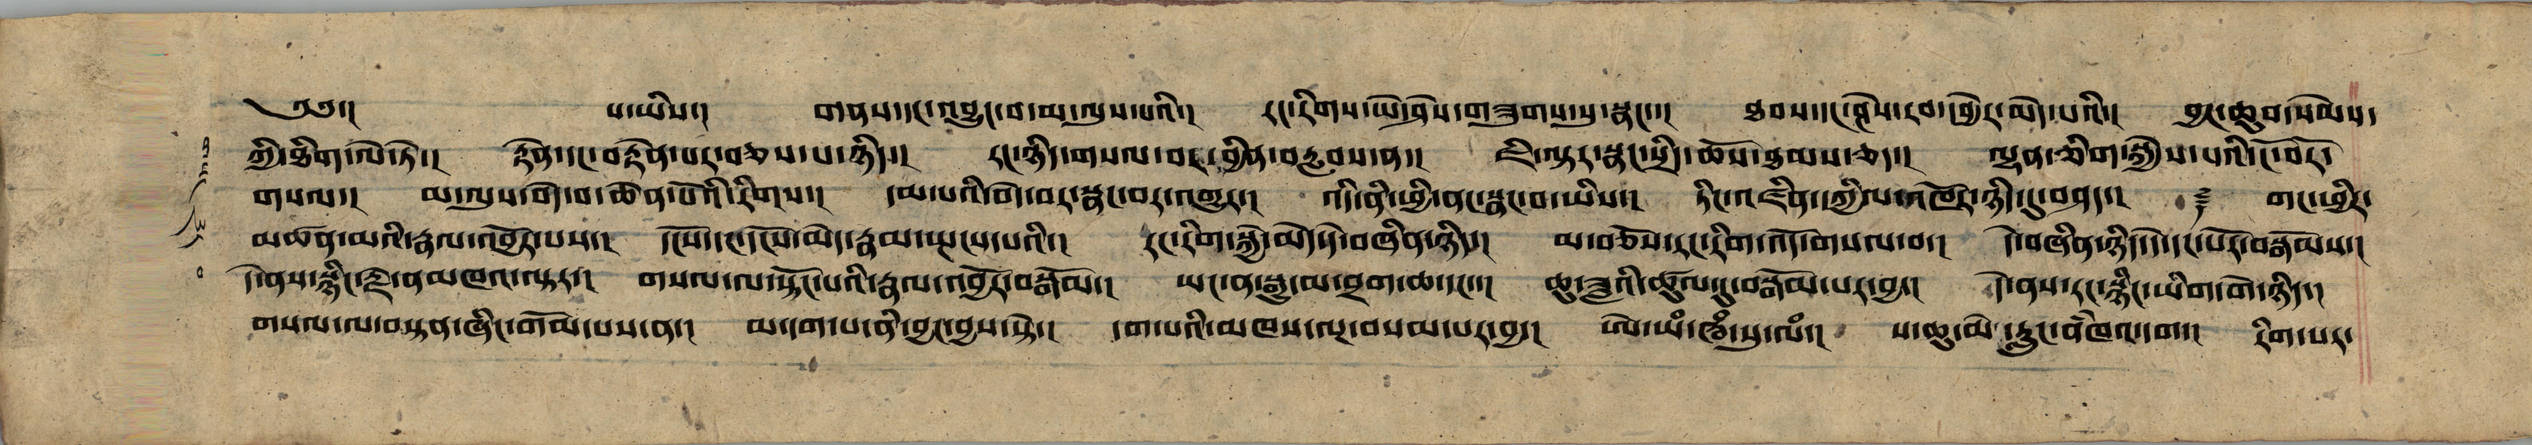༄༅་། པ་ཡིས་། གནས་དང་འབྱུང་བ་མ་ལུས་པའི་། རང་རིགས་ཡེ་ཤེས་གཟུགས་སུ་སྣང་་། ཐབས་དང་ཤེས་རབ་དབྱེར་མེད་པའི་། བྱང་ཆུབ་སེམས་
ཀྱི་ཐིག་ལེ་ཏེ་། རྟེན་དང་བརྟེན་པར་བཅས་པ་ཉིད་། རང་ཉིད་གསལ་བར་བྱིན་བརླབས་ན་། ཇི་ལྟར་སྣང་སྲིད་ཆོས་ཐམས་ཅད་། ལྷན་ཅིག་སྐྱེས་པའི་ངོ་བོར་
གསལ་། མ་ལུས་བདེ་བ་ཆེན་པོའི་རིགས་། དམ་པའི་བདེ་བར་སྣང་བར་འགྱུར་། འདི་ནི་ཕྱི་ནང་སྣང་བ་ཡིས་། ཏིང་འཛིན་དཀྱིལ་འཁོར་ཉིད་དུ་བཤད་། ࿑ གང་ཕྱིར་
མཚན་མའི་རྣལ་འབྱོར་པས་། དངོས་དང་དངོས་མེད་རྣམ་སྤངས་པའི་། རང་རིག་སྐྱེ་མེད་དེ་བཞིན་ཉིད་། མ་བཅོས་རང་རིག་འོད་གསལ་བ་། དེ་བཞིན་ཉིད་དེ་དང་པོར་བསྒོམས་།
དེ་ནས་སྙིང་རྗེ་ནམཁའ་ལྟར་། གསལ་ལ་སྟོང་པའི་རྣལ་འབྱོར་བསྒོམ་། ཡང་ན་སྒྱུ་མ་བྲག་ཆ་དང་་། ཆུ་ཟླའི་ཚུལ་དུ་བསྒོམ་པར་བྱ་། དེ་ནས་རང་སྙིང་ཡིག་གེ་ཉིད་།
གསལ་ལ་བསྟན་ཞིང་གོམ་པས་ན་། མ་དག་པ་ནི་བྱང་བྱས་སྟེ་། དག་པའི་མཁས་ལྔ་བསམ་པར་བྱ་། ཨེ་ཡཾ་ཝཾ་སུ་ལཾ་། ས་ཆུ་མེ་རླུང་ནཾཁའ་དག་། རིག་པར་